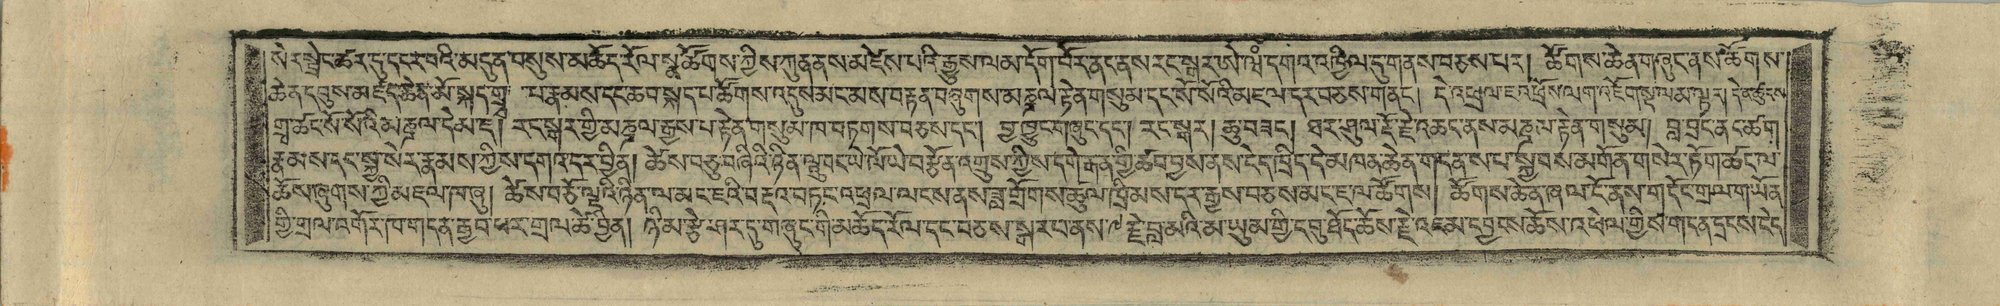སེར་སྦྲེང་ཚར་དུ་དངར་བའི་མདུན་བསུས་མཆོད་རོལ་སྣ་ཚོགས་ཀྱིས་ཀུན་ནས་མཛེས་པའི་རྒྱུས་ལམ་དོག་པོར་ནང་ནས་རང་སྒར་ཨེ་ཝཾ་དགའ་འཁྱིལ་དུ་གནས་བཅས་པར། ཚོགས་ཆེན་གཞུང་ནས་ཚོགས་
ཆེན་དབུས་མཛད་ཆེན་མོ་སྐད་གྲྭ་པ་རྣམས་དང་ཆབ་སྐད་པ་ཚོགས་འདུས་མང་མས་བརྟན་བཞུགས་མཎྜལ་རྟེན་གསུམ་དང་སོ་སོའི་མཇལ་དར་བཅས་གནང་། དེ་འཕྲལ་ཇ་འཕྲོས་ལག་འཇོག་སྔ་ལམ་ལྟར། དེ་མཚུངས་
གྲྭ་ཚང་སོ་སོའི་མཎྜལ་དེམ་ཇ། རང་སྒར་གྱི་མཎྜལ་རྒྱས་པ་རྟེན་གསུམ་ཁ་བཏགས་བཅས་དང་། བྱ་ཁྱུང་གཞུང་དང་། རང་སྒར། ཆུ་བཟང་། ཐར་ཤུལ་རྡོ་རྗེ་འཆང་ནས་མཎྜལ་རྟེན་གསུམ། བླ་བྲང་ནང་ཚག་
རྣམས་དང་སྐྱ་སེར་རྣམས་ཀྱིས་དགའ་དར་བྱིན། ཚེས་བཅུ་བཞིའི་ཉིན་ལཱུ་བང་ཡེ་ལོ་ཡེ་བརྩོན་འགྲུས་ཀྱིས་དགེ་རྒན་གྱི་ཚབ་བྱས་ནས་ངེད་ཁྲིད་དེ་མཁན་ཆེན་གདན་ས་པ་སྐྱབས་མགོན་གསེར་ཏོག་ཚང་ལ་
ཆོས་ཞུགས་ཀྱི་མཇལ་ཁ་ཞུ། ཚེས་བཅོ་ལྔའི་ཉིན་ལ་མང་ཇའི་བརྡའ་བཏང་འཕྲལ་ལངས་ནས་ཟླ་གྲོགས་ཚུལ་ཁྲིམས་དར་རྒྱས་བཅས་མང་ཇ་ལ་ཚོགས། ཚོགས་ཆེན་ཞལ་ངོ་ནས་གདོང་གྲལ་གཡོན་
གྱི་གྲལ་འགོར་ཁ་གདན་རྒྱབ་པར་གྲལ་ཚེ་བྱིན། ཉི་མ་རྩེ་ཤར་དུ་གཞུང་གི་མཆོད་རོལ་དང་བཅས་སྒར་བ་ནས་༧་རྗེ་བླ་མའི་མ་ཡུམ་གྱི་དབུ་ཐོད་ཆོས་རྗེ་འཇམ་དབྱངས་ཆོས་འཕེལ་གྱིས་གདན་དྲངས་ངེད་